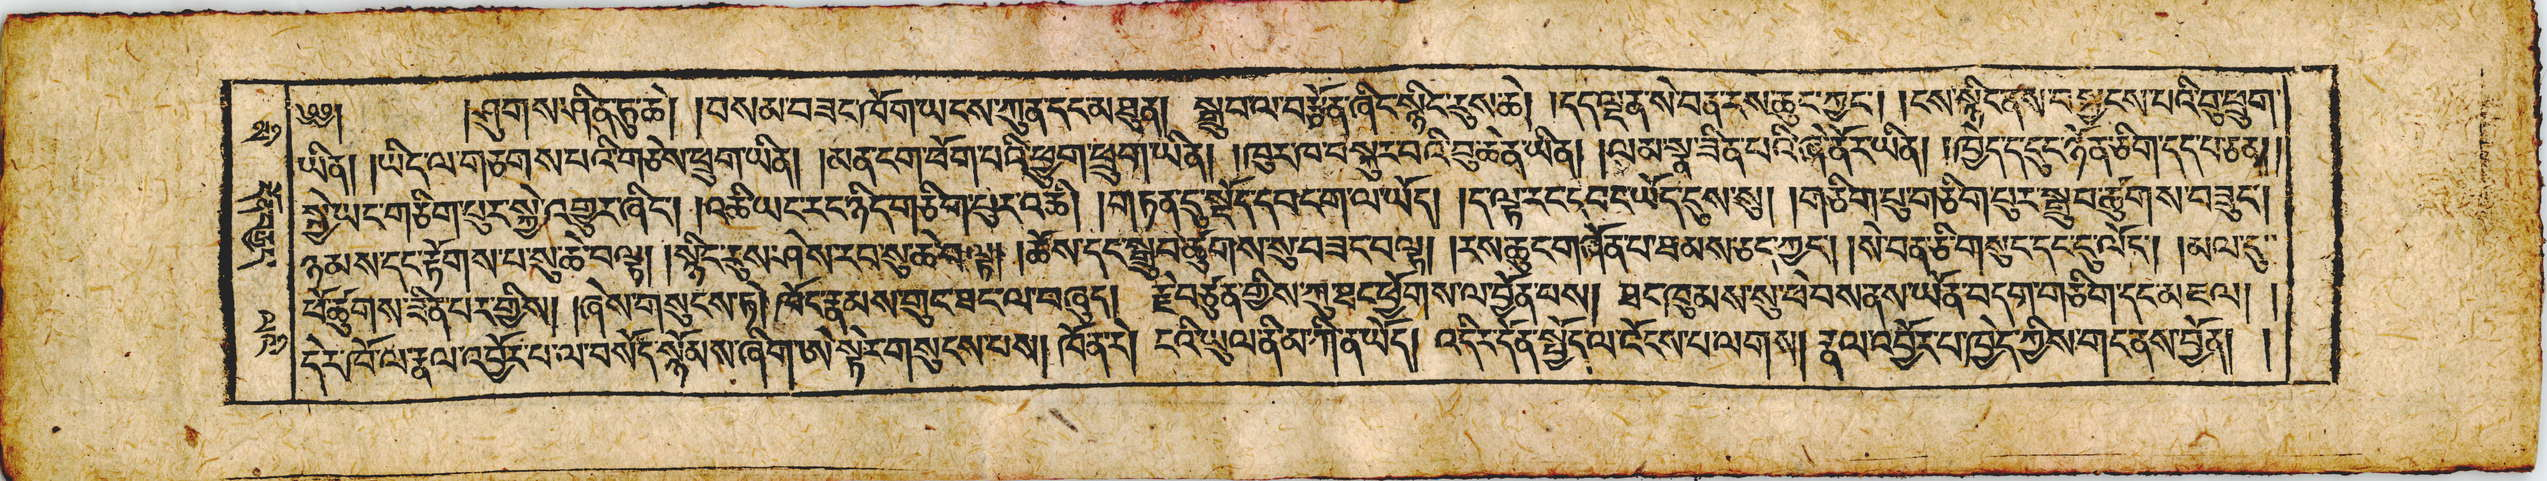ཤུགས་ཤིན་ཏུ་ཆེ། །བསམ་བཟང་ཁོག་ཡངས་ཀུན་དང་མཐུན། སྒྲུབ་ལ་བརྩོན་ཞིང་སྙིང་རུས་ཆེ། །དད་ལྡན་སེ་བན་རས་ཆུང་ཀྱང་། །ངས་སྙིང་ནས་བསྐྱངས་པའི་བུ་ཕྲུག་
ཡིན། །ཡིད་ལ་གཅགས་པའི་གཅེས་ཕྲུག་ཡིན། །མན་ངག་ཕོག་པའི་ཕྱུག་ཕྲུག་ཡིན། །ཁུར་ཁ་བསྐུར་བའི་བུ་ཆེན་ཡིན། །ལམ་སྣ་ཟིན་པའི་ཞེ་ནོར་ཡིན། །ཁྱེད་ད་དུང་ཉོན་ཅིག་དད་པ་ཅན། །
སྐྱེ་ཡང་གཅིག་པུར་སྐྱེ་འགྱུར་ཞིང་། །འཆི་ཡང་རང་ཉིད་གཅིག་པུར་འཆི། །གཏན་དུ་སྡོད་དབང་ག་ལ་ཡོད། །ད་ལྟ་རང་དབང་ཡོད་དུས་སུ། །གཅིག་པུ་གཅིག་པུར་སྒྲུབ་ཚུགས་བཟུང་། །
ཉམས་དང་རྟོགས་པ་སུ་ཆེ་བལྟ། །སྙིང་རུས་ཤེས་རབ་སུ་ཆེ་བལྟ། །ཆོས་དང་སྒྲུབ་ཚུགས་སུ་བཟང་བལྟ། །རས་ཆུང་གཞོན་པ་ཐམས་ཅད་ཀྱང་། །སེ་བན་ཅི་གསུང་དང་དུ་ལོང་། །མལ་དུ་
ཚུགས་ཟིན་པར་གྱིས། །ཞེས་གསུངས་ཏེ། ཁོང་རྣམས་གུང་ཐང་ལ་བཞུད། རྗེ་བཙུན་གྱིས་ཀུ་ཐང་ཕྱོགས་ལ་བྱོན་པས། ཐང་ཁུམས་སུ་ཕེབས་ནས་ཡོན་བདག་གཅིག་དང་མཇལ། 
དེར་ཁོ་ལ་རྣལ་འབྱོར་པ་ལ་བསོད་སྙོམས་ཞིག་ཨེ་སྟེར་གསུངས་པས། ཁོ་ན་རེ། ངའི་ཡུལ་ནི་མ་ཀི་ན་ཡོད། འདིར་དོན་སྤྱོད་ལ་འོངས་པ་ལགས། རྣལ་འབྱོར་པ་ཁྱེད་ཀྱིས་གང་ནས་བྱོན།